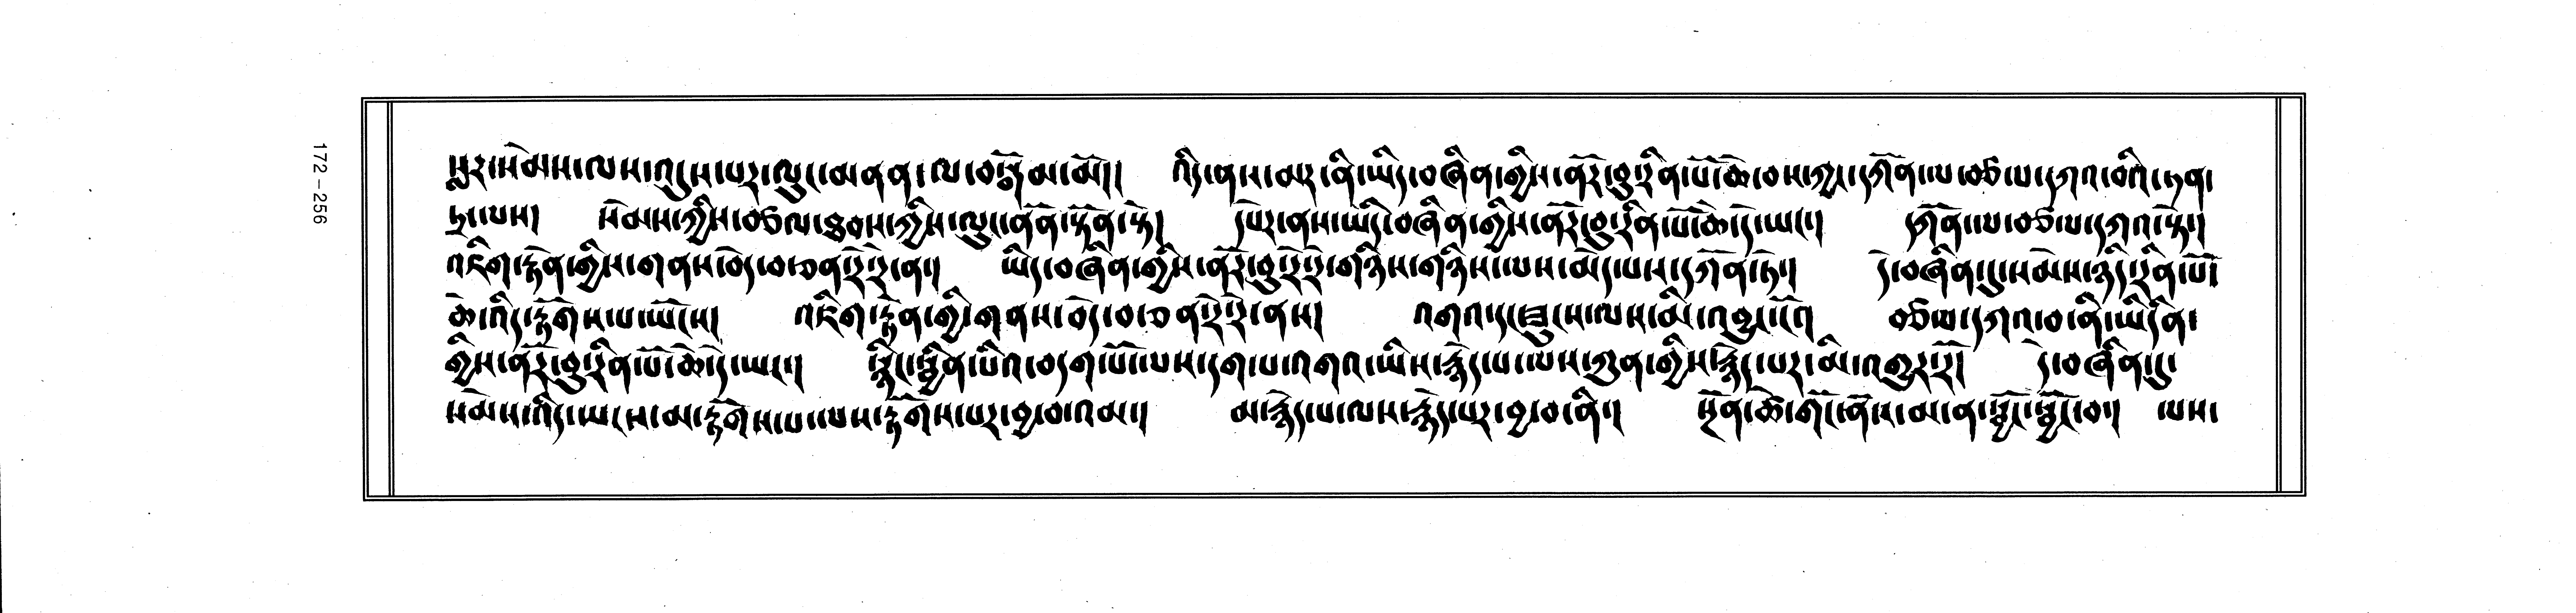སེམས་ལས་འདུས་པར་ལུང་མནན་ལ་བསྒོམ་མོ། འདི་ནས་མར་ནི་ཡིད་བཞིན་གྱིས་ནོར་བུ་རིན་པོ་ཆེ་བས་ཀྱང་དཀོན་ལ་བཙལ་དཀའ་བའི་ཏན་
ཏྲ་ལས། སེམས་ཀྱིས་བཙལ་ཐབ་སཀྱིས་ལུང་ནོན་སྟོན་སྟེ། དཔེར་ནས་ཡིད་བཞིན་གྱིས་ནོར་བུ་རིན་པོ་ཆེ་དེ་ཡང་། དཀོན་ལ་བཙལ་དཀའ་སྟེ། 
འཇིག་རྟེན་གྱིས་གནས་བདེ་བ་ཅན་རེ་རེ་ན། ཡིད་བཞིན་གྱིས་ནོར་བུ་རེ་རེ་གཉིས་གཉིས་ལས་མེད་པས་དཀོན་ཏེ། དེ་བཞིན་དུ་སེམས་ཉིད་རིན་པོ་
ཆེ་འདི་རྟོགས་པ་ཡང་། འཇིག་རྟེན་གྱི་གནས་བདེ་བ་ཅན་རེ་རེ་ནས། འགའ་དང་ཟུངས་ལས་མི་འབྱུང་ངོ་། བཙལ་དཀའ་བ་ནི་ཡིད་བཞིན་
གྱིས་ནོར་བུ་རིན་པོ་ཆེ་དེ་ཡང་། སྙིང་སྦྱིན་པའི་བདག་པོ་ལས་དག་པ་འགའ་ཡིས་རྙེད་པ་ལས་ཀུན་གྱིས་རྙེད་པར་མི་འགྱུར་རོ། དེ་བཞིན་དུ་
སེམས་འདི་ཡང་མ་རྟོགས་པ་ལས་རྟོགས་པར་བྱ་བ་འམ། མ་རྙེད་པ་ལས་རྙེད་པར་བྱ་བ་ནི། སྔོན་ཚེ་གོང་ནས་མ་ན་སྦྱོང་སྦྱོང་བ། ལས་